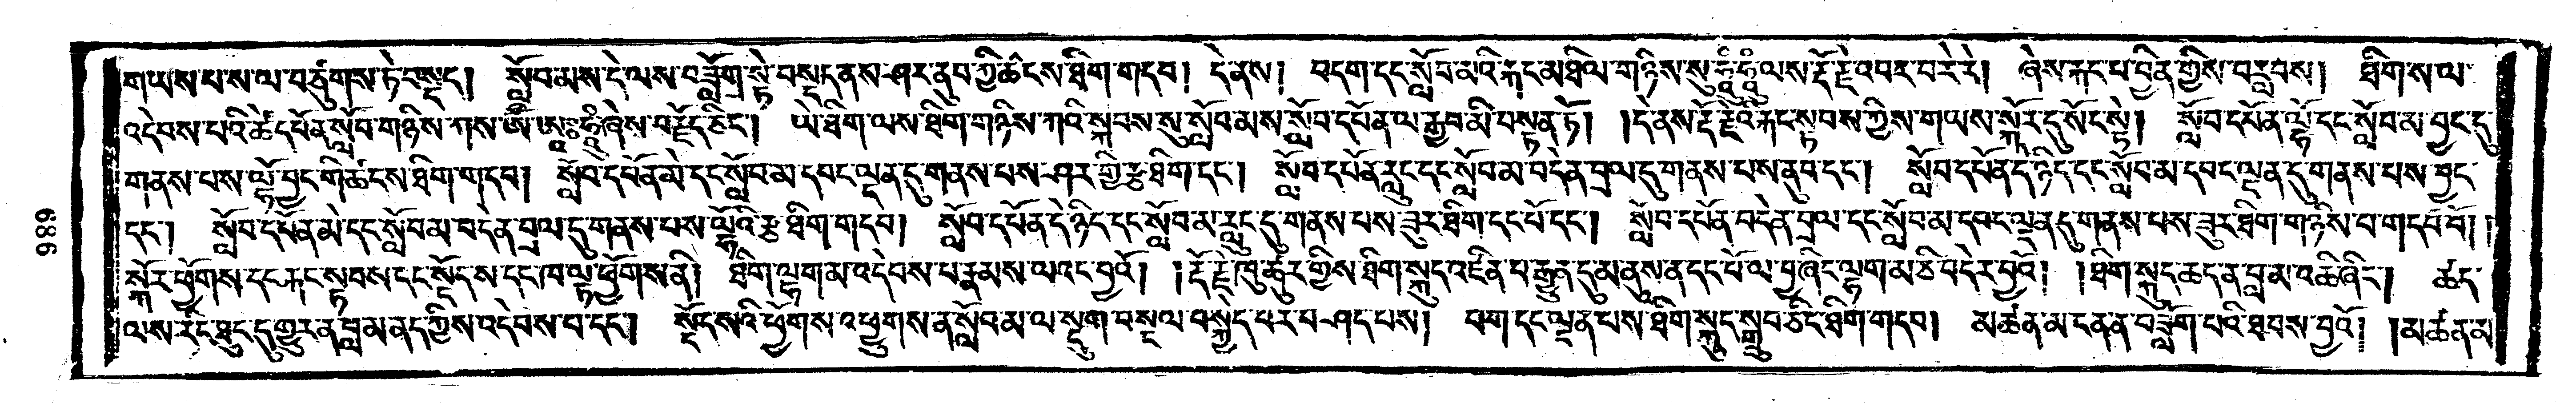གཡས་པ་ས་ལ་བཙུགས་ཏེ་བསྡད། སློབ་མས་དེ་ལས་བཟློག་སྟེ་བསྡད་ནས་ཤར་ནུབ་ཀྱི་ཚངས་ཐིག་གདབ། དེ་ནས། བདག་དང་སློབ་མའི་རྐང་མཐིལ་གཉིས་སུ་ཧཱུཾ་ཧཱུཾ་ལས་རྡོ་རྗེ་འབར་བ་རེ་རེ། ཞེས་རྐང་པ་བྱིན་གྱིས་བརླབས། ཐིག་ས་ལ་
འདེབས་པའི་ཚེ་དཔོན་སློབ་གཉིས་ཀས་ཨོཾ་ཨཱཿ ཧཱུཾ་ཞེས་བརྗོད་ཅིང་། ཡེ་ཐིག་ལས་ཐིག་གཉིས་ཀའི་སྐབས་སུ་སློབ་མས་སློབ་དཔོན་ལ་རྒྱབ་མི་བསྟན་ཏོ། །དེ་ནས་རྡོ་རྗེའི་རྐང་སྟབས་ཀྱིས་གཡས་སྐོར་དུ་སོང་སྟེ། སློབ་དཔོན་ལྷོ་དང་སློབ་མ་བྱང་དུ་
གནས་པས་ལྷོ་བྱང་གི་ཚངས་ཐིག་གདབ། སློབ་དཔོན་མེ་དང་སློབ་མ་དབང་ལྡན་དུ་གནས་པས་ཤར་གྱི་རྩ་ཐིག་དང་། སློབ་དཔོན་རླུང་དང་སློབ་མ་བདེན་བྲལ་དུ་གནས་པས་ནུབ་དང་། སློབ་དཔོན་དེ་ཉིད་དང་སློབ་མ་དབང་ལྡན་དུ་གནས་པས་བྱང་
དང་། སློབ་དཔོན་མེ་དང་སློབ་མ་བདེན་བྲལ་དུ་གནས་པས་ལྷོའི་རྩ་ཐིག་གདབ། སློབ་དཔོན་དེ་ཉིད་དང་སློབ་མ་རླུང་དུ་གནས་པས་ཟུར་ཐིག་དང་པོ་དང་། སློབ་དཔོན་བདེན་བྲལ་དང་སློབ་མ་དབང་ལྡན་དུ་གནས་པས་ཟུར་ཐིག་གཉིས་པ་གདབ་བོ། །
སྐོར་ཕྱོགས་དང་རྐང་སྟབས་དང་སྡོད་ས་དང་ཁ་ལྟ་ཕྱོགས་ནི། ཐིག་ལྷག་མ་འདེབས་པ་རྣམས་ལའང་བྱའོ། །རྡོ་རྗེ་ཁུ་ཚུར་གྱིས་ཐིག་སྐུད་འཛིན་པ་རྒྱུན་དུ་མ་ནུས་ན་དང་པོ་ལ་བྱ་ཞིང་ལྷག་མ་ཅི་བདེར་བྱའོ། །ཐིག་སྐུད་ཆད་ན་བླ་མ་འཆི་ཞིང་། ཚད་
ལས་རིང་ཐུང་དུ་གྱུར་ན་བླ་མ་ནད་ཀྱིས་འདེབས་པ་དང་། སྡོད་སའི་ཕྱོགས་འཕྱུགས་ན་སློབ་མ་ལ་སྡུག་བསྔལ་བསྐྱེད་པར་བཤད་པས། བག་དང་ལྡན་པས་ཐིག་སྐུད་སྒྲུབ་ཅིང་ཐིག་གདབ། མཚན་མ་ངན་ན་བཟློག་པའི་ཐབས་བྱའོ། །མཚན་མ་